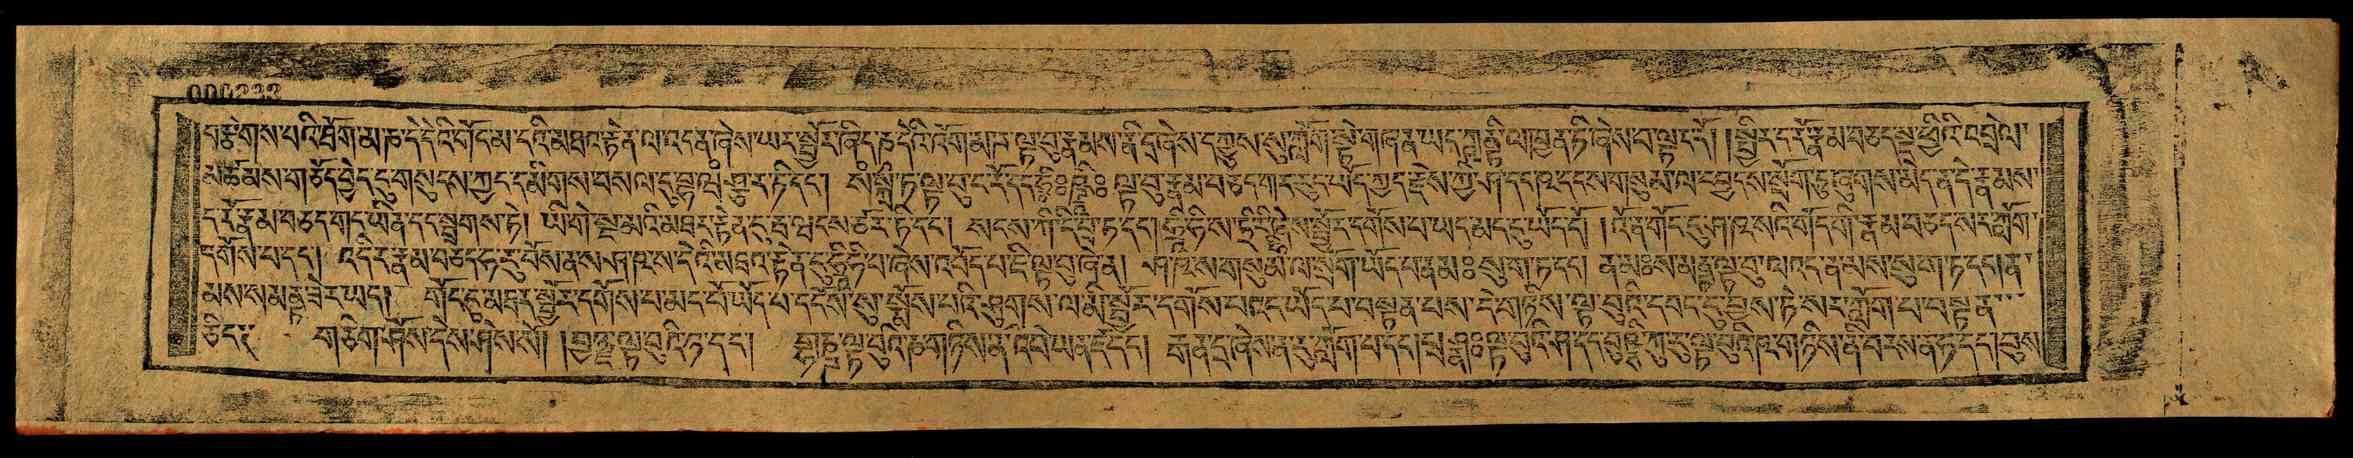བརྩེགས་པའི་ཐོག་མ་ཎ་དེ་དེའི་གོང་མ་ངའི་མཐའ་རྟེན་ལ་འདན་ཞེས་ཡར་སྦྱོར་ཞིང་ཎ་དེའི་འོག་མ་ཌ་ལྟ་བུ་རྣམས་ནི་དྲ་ཞེས་དཀྱུས་སུ་ཀློག་སྟེ་གཞན་ཡང་ཀྵ་ནི་ལ་ཁྱན་ཏི་ཞེས་པ་ལྟར་རོ། །སྤྱིར་ང་རོ་རྣམ་བཅང་སྔ་ཕྱིའི་འཕེལ་
མཚམས་གཅོད་བྱེད་དུ་གསུངས་ཀྱང་དམིགས་བསལ་དུ་བྷ་ཝ་ཤྩ་ར་ཏི་དང་། སཾསྐྲྀ་ཏ་ལྟ་བུ་ང་རོ་དང་ཧྲཱིཿཥྲྚྲཱིཿ ལྟ་བུ་རྣམ་བཅད་གང་རུང་ཡོད་ཀྱང་རྗེས་ཀྱི་ཤ་དང་ཥ་དང་ས་གསུམ་ལ་དབྱངས་སྲོག་ཏུ་ཞུགས་མེད་ན་དེ་རྣམས་
ངོ་རྣམ་་་བཅད་གང་ཡིན་དང་སྦྲགས་ཏེ། ཡི་གེ་སྔ་མའི་མཐར་རྟེན་དུ་རྦ་ཝངས་ཙ་ར་ཏི་དང་། སངས་ཀི་དཔྲ་ཏ་དག་ཧྲཱི་ཧི་ས་ཏྲི་ཏི་ཞེས་ཧི་སྦྱར་དགོས་པ་ཡང་མང་དུ་ཡོད་དོ། །འོ་ན་གོང་དུ་ཤ་ཥ་སའི་གང་གི་རྣམ་བཅད་སར་ཀློག་
དགོས་པ་དང་། འདིར་རྣམ་བཅད་ཧ་རུ་བོས་ནས་ཤ་ཥ་ས་དེའི་མཐའ་རྟེན་དུ་ཧྲི་ཧི་སོ་ཞེས་འབོད་པ་ཇི་ལྟ་བུ་ཞེ་ན། ཤ་ཥ་ས་གསུམ་ལ་སྲོག་ཡོད་པ་ན་མཿ སུ་ག་ཏ་དང་། ན་མཿ ས་མནྟ་ལྟ་བུ་ལའང་ནམས་སུ་ག་ཏ་དང་། ན་
མས་སམནྟ་ཟེར་ཡང་གོང་དུ་མཐར་སྦྱོར་དགོས་པ་མང་པོ་ཡོད་པ་དངོས་སུ་སྨོས་པའི་ཤུགས་ལ་མི་སྦྱོར་དགོས་པའང་ཡོད་པ་བསྟན་པས་དེ་གཉིས་ལྟ་བུའི་དབང་དུ་བྱས་ཏེ་སར་ཀློག་པ་བསྟན་ན་
ཅིང་། གཅིག་ཤོས་དེས་ཤེས་སོ། །བྱཉྫ་ལྟ་བུའི་ཉ་དང་། གྷཎྜ་ལྟ་བུའི་ཎ་གཉིས་ན་འབེ་ཡན་ཛ་དང་། རྒན་དྲ་ཞེས་ན་རུ་ཀློག་པ་དང་། པྲཤྣཿ ལྟ་བུའི་ཤ་དང་པུཥྣ་ཀུ་རུ་ལྟ་བུའི་ཥ་གཉིས་ནི་པར་ས་ན་ཧ་དང་། པུས་